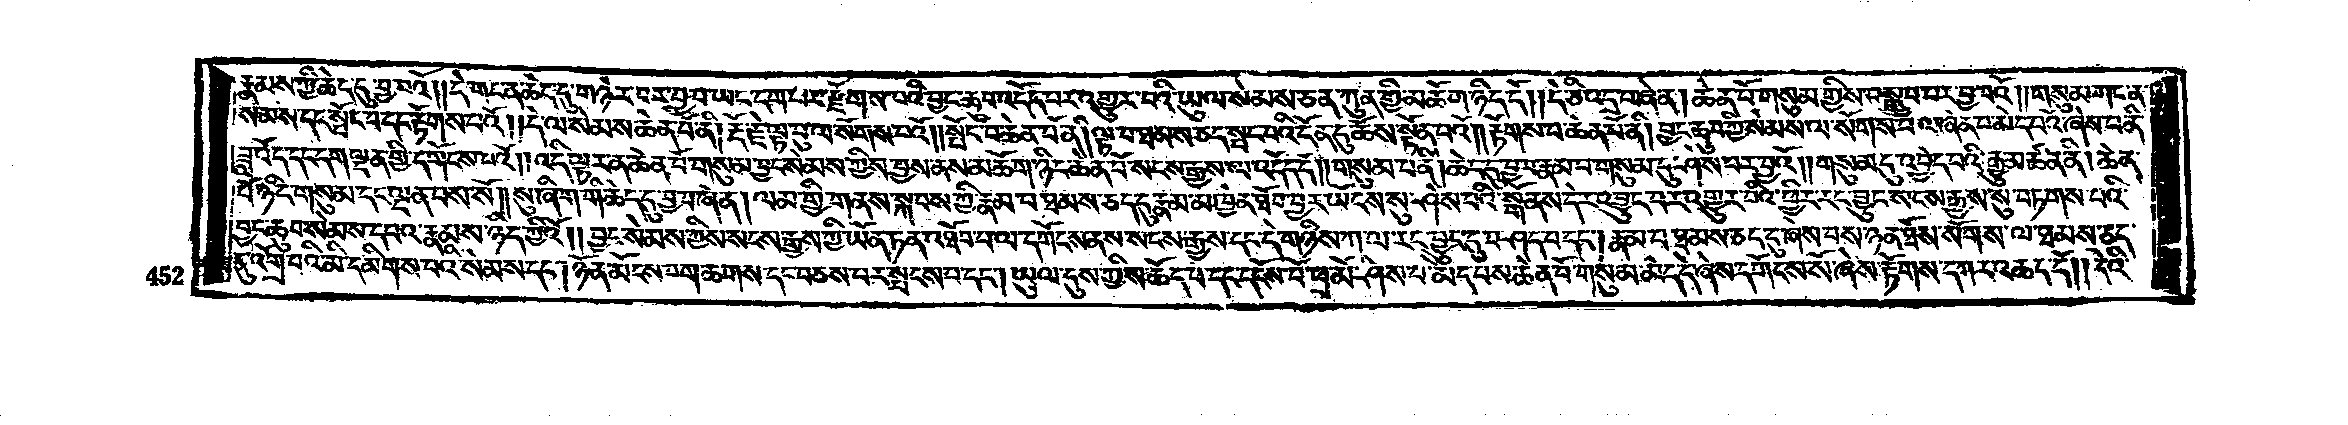རྣམས་ཀྱི་ཆེད་དུ་བྱ་བའོ། །དེ་གང་ན་ཆེད་དུ་གཉེར་བར་བྱ་བ་ཡང་དག་པར་རྫོགས་པའི་བྱང་ཆུབ་འདོད་པར་འགྱུར་བའི་ཡུལ་སེམས་ཅན་ཀུན་གྱི་མཆོག་ཉིད་དོ། །དེ་ཅི་འདྲ་བ་ཞེ་ན། ཆེན་པོ་གསུམ་གྱིས་བསྒྲུབ་པར་བྱ་བའོ། །གསུམ་གང་ན་
སེམས་དང་སྤོང་བ་དང་རྟོགས་པའོ། །དེ་ལ་སེམས་ཆེན་པོ་ནི། རྡོ་རྗེ་ལྟ་བུ་ལ་སོགས་པའོ། །སྤོང་བ་ཆེན་པོ་ནི། ལྟ་བ་ཐམས་ཅད་སྤང་བའི་དོན་དུ་ཆོས་སྟོན་པའོ། །རྟོགས་པ་ཆེན་པོ་ནི། བྱང་ཆུབ་ཀྱི་སེམས་ལ་སོགས་པ་ལ་ཞེན་པ་མེད་པའོ་ཞེས་པ་ནི་
ཟླ་འོད་དང་དག་ལྡན་གྱི་དགོངས་པའོ། །འདི་ལྟར་ན་ཆེན་པོ་གསུམ་བྱང་སེམས་ཀྱིས་བྱས་ནས་མཆོག་ཉིད་ཆེན་པོ་སངས་རྒྱས་ལ་འདོད་དོ། །གསུམ་པ་ནི། ཆེད་དུ་བྱ་བ་རྣམ་པ་གསུམ་དུ་ཤེས་པར་བྱའོ། །གསུམ་དུ་འབྱེད་པའི་རྒྱུ་མཚན་ནི། ཆེན་
པོ་ཉིད་གསུམ་དང་ལྡན་པས་སོ། །སུ་ཞིག་གི་ཆེད་དུ་བྱ་བ་ཞེ་ན། ལམ་གྱི་གནས་སྐབས་ཀྱི་རྣམ་པ་ཐམས་ཅད་དུ་རྣམ་མཁྱེན་ཐོབ་བྱར་ཡོངས་སུ་ཤེས་པའི་སྒོ་ནས་དེར་འབྱུང་བར་འགྱུར་བའི་ཕྱིར་རང་བྱུང་སངས་རྒྱས་སུ་བཏགས་པའི་
བྱང་ཆུབ་སེམས་དཔའ་རྣམས་ཉིད་ཀྱིའོ། །བྱང་སེམས་ཀྱིས་སངས་རྒྱས་ཀྱི་ཡོན་ཏན་འཐོབ་པ་ལ་དགོངས་ནས་སངས་རྒྱས་དང་དེ་གཉིས་ཀ་ལ་རང་བྱུང་དུ་བཤད་པ་དང་། རྣམ་པ་ཐམས་ཅད་དུ་ཞེས་པས་ཉན་ཐོས་སོགས་ལ་ཐམས་ཅད་
དུ་འགྲོ་བའི་མི་དམིགས་པའི་སེམས་དང་། ཉོན་མོངས་བག་ཆགས་དང་བཅས་པར་སྤངས་པ་དང་། ཡུལ་དུས་ཀྱིས་ཆོད་པ་དང་དངོས་པོ་ཕྲ་མོ་ཤེས་པ་མེད་པས་ཆེན་པོ་གསུམ་མེད་དེ་ཞེས་དགོངས་སོ་ཞེས་རྟོགས་དཀར་འཆད་དོ། །དེའི་